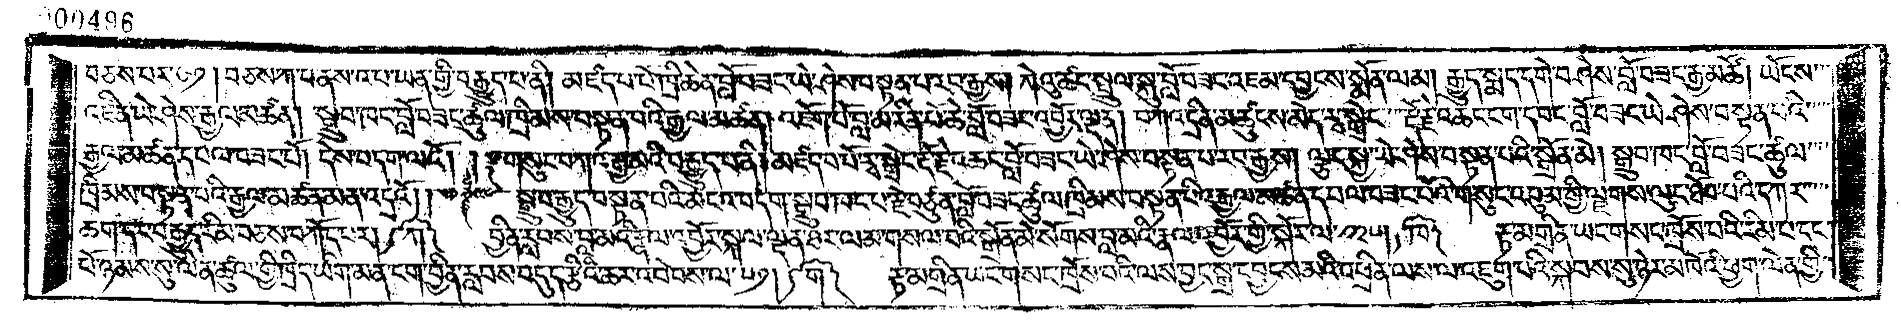བཅས་པར༦༡། བཅས་ཀ་པ་ནས་འ་པ་ཡན་གྱི་བརྒྱུད་པ་ནི། མཛད་པ་པོ་ཁྲི་ཆེན་བློ་བཟང་ཡེ་ཤེས་བསྟན་པ་རབ་རྒྱས། ཀེའུ་ཚང་སྤྲུལ་སྐུ་བློ་བཟང་འཇམ་དབྱངས་སྨོན་ལམ། རྒྱུད་སྨད་དགེ་བཤེས་བློ་བཟང་རྒྱ་མཚོ། ཡོངས་
འཛིན་ཡེ་ཤེས་རྒྱལ་མཚན། སྒྲུབ་ཁང་བློ་བཟང་ཚུལ་ཁྲིམས་བསྟན་པའི་རྒྱལ་མཚན། འཇོག་པོ་བླ་མ་རིན་པོ་ཆེ་བློ་བཟང་འབྱོར་ལྡན། བཀའ་དྲིན་མཚུངས་མེད་རྭ་སྒྲེང་རྡོ་རྗེ་འཆང་ངག་དབང་བློ་བཟང་ཡེ་ཤེས་བསྟན་པའི་
རྒྱལ་མཚན་དཔལ་བཟང་པོ། དེས་བདག་ལའོ། །༈གསུང་བཀའ་རྒྱ་མའི་བརྒྱུད་པ་ནི། མཛད་པ་པོ་རྭ་སྒྲེང་རྡོ་རྗེ་འཆང་བློ་བཟང་ཡེ་ཤེས་བསྟན་པ་རབ་རྒྱས། ལྕང་སྐྱ་ཡེ་ཤེས་བསྟན་པའི་སྒྲོན་མེ། སྒྲུབ་ཁང་བློ་བཟང་ཚུལ་
ཁྲིམས་བསྟན་པའི་རྒྱལ་མཚན་མན་འདྲའོ། །༆་སྒྲུབ་རྒྱུད་བསྟན་པའི་མངའ་བདག་སྒྲུབ་ཁང་པ་རྗེ་བཙུན་བློ་བཟང་ཚུལ་ཁྲིམས་བསྟན་པའི་རྒྱལ་མཚན་དཔལ་བཟང་པོའི་གསུང་འབུམ་གྱི་ལྗགས་ལུང་ཐོབ་པའི་དཀར་
ཆག་དང་བརྒྱུད་རིམ་བཅས་བཀོད་པར། ༼ཀ༽ བྱིན་རླབས་བླ་མའི་རྣལ་འབྱོར་སྐལ་ལྡན་ཐར་ལམ་གསལ་བའི་སྒྲོན་མེ་སོགས་བླ་མའི་རྣལ་འབྱོར་གྱི་སྐོར་ལ༣༥། ༼ཁ༽ རྟ་མགྲིན་ཡང་གསང་ཁྲོས་པའི་རིམ་པ་དང་
པོ་ཉམས་སུ་ལེན་ཚུལ་གྱི་ཁྲིད་ཡིག་མན་ངག་བྱིན་རླབས་བདུད་རྩིའི་ཆར་འབེབས་ལ ༥༡། ༼ག༽ རྟ་མགྲིན་ཡང་གསང་ཁྲོས་བའི་ལས་བྱང་སྒྲ་དབྱངས་མའི་འཕྲིན་ལས་ལ་འཇུག་པའི་སྐབས་སུ་ཉེར་མཁོའི་ཕྱག་ལེན་གྱི་